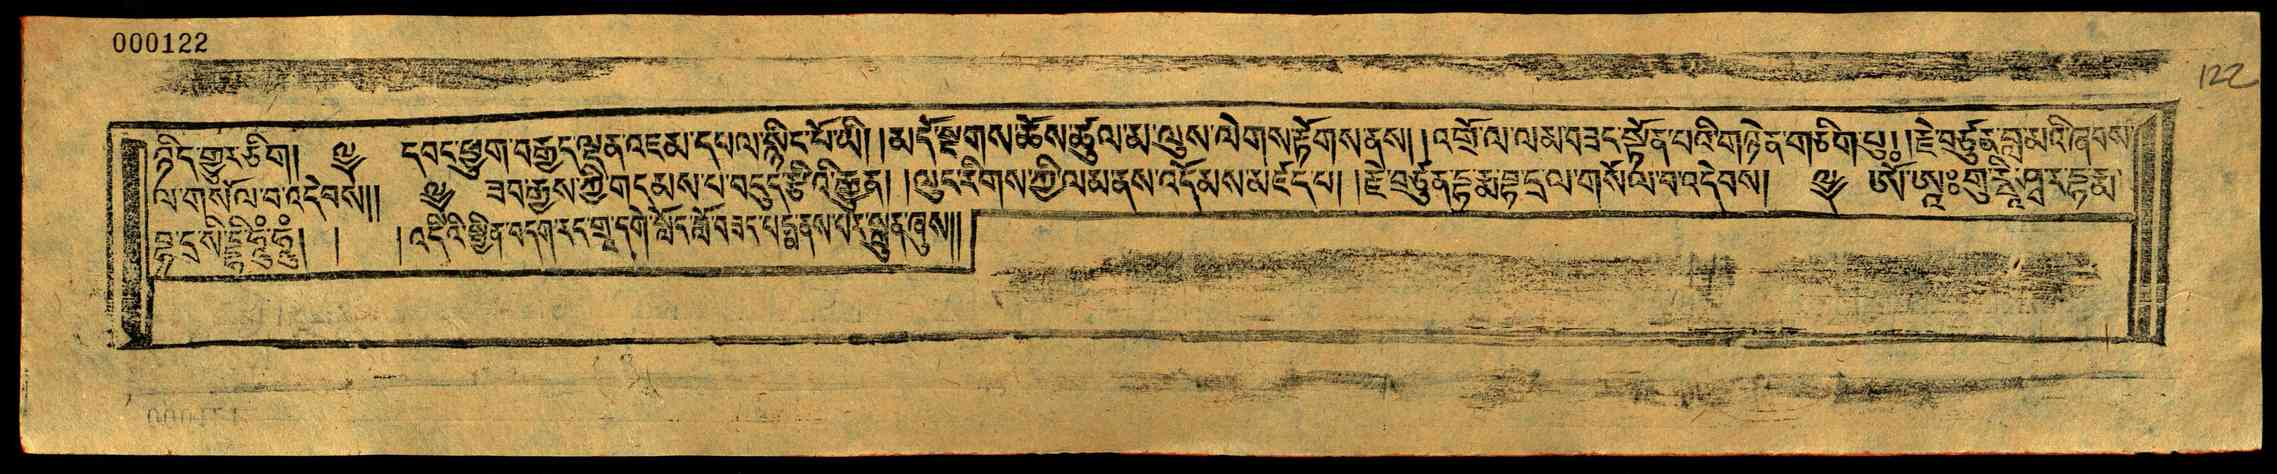ཉིད་གྱུར་ཅིག ། ༈ དབང་ཕྱུག་བརྒྱད་ལྡན་འཇམ་དཔལ་སྙིང་པོ་ཡི། །མདོ་སྔགས་ཆོས་ཚུལ་མ་ལུས་ལེགས་རྟོགས་ནས། །འགྲོ་ལ་ལམ་བཟང་སྟོན་པའི་གཉེན་གཅིག་པུ། །རྗེ་བཙུན་བླ་མའི་ཞབས་
ལ་གསོལ་བ་འདེབས། ༈ ཟབ་རྒྱས་ཀྱི་གདམས་པ་བདུད་རྩིའི་རྒྱུན། །ལུང་རིགས་ཀྱི་ལམ་ནས་འདོམས་མཛད་པ། །རྗེ་བཙུན་དྷ་རྨ་བྷ་དྲ་ལ་གསོལ་བ་འདེབས། ༈ ཨོཾ་ཨཱཿ གུ་རྭཱ་ཤྭ་ར་དྷརྨ་
བྷ་དྲ་སིདྡྷི་ཧཱུཾ་ཧཱུཾ། །